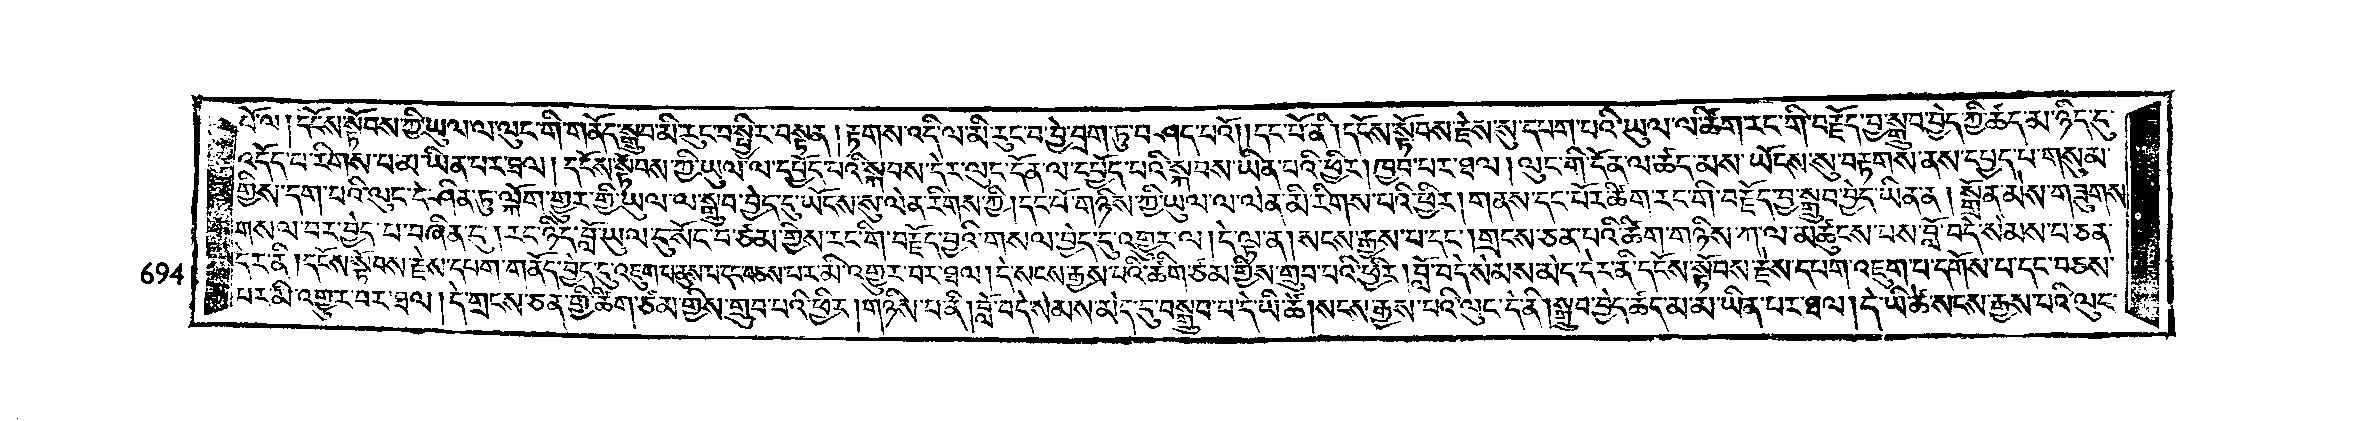པོ་ལ། དངོས་སྟོབས་ཀྱི་ཡུལ་ལ་ལུང་གི་གནོད་སྒྲུབ་མི་རུང་བ་སྤྱིར་བསྟན། རྟགས་འདི་ལ་མི་རུང་བ་བྱེ་བྲག་ཏུ་བཤད་པའོ། །དང་པོ་ནི། དངོས་སྟོབས་རྗེས་སུ་དཔག་པའི་ཡུལ་ལ་ཚིག་རང་གི་བརྗོད་བྱ་སྒྲུབ་བྱེད་ཀྱི་ཚད་མ་ཉིད་དུ་
འདོད་པ་རིགས་པ་མ་ཡིན་པར་ཐལ། དངོས་སྟོབས་ཀྱི་ཡུལ་ལ་དཔྱོད་པའི་སྐབས་དེར་ལུང་དོན་ལ་དཔྱོད་པའི་སྐབས་ཡིན་པའི་ཕྱིར། ཁྱབ་པར་ཐལ། ལུང་གི་དོན་ལ་ཚད་མས་ཡོངས་སུ་བརྟགས་ནས་དཔྱད་པ་གསུམ་
གྱིས་དག་པའི་ལུང་དེ་ཤིན་ཏུ་ལྐོག་གྱུར་གྱི་ཡུལ་ལ་སྒྲུབ་བྱེད་དུ་ཡོངས་སུ་ལེན་རིགས་ཀྱི། དང་པོ་གཉིས་ཀྱི་ཡུལ་ལ་ལེན་མི་རིགས་པའི་ཕྱིར། གནས་དང་པོར་ཚིག་རང་གི་བརྗོད་བྱ་སྒྲུབ་བྱེད་ཡིན་ན། སྒྲོན་མེས་གཟུགས་
གསལ་བར་བྱེད་པ་བཞིན་དུ། རང་ཉིད་བློ་ཡུལ་དུ་སོང་བ་ཙམ་གྱིས་རང་གི་བརྗོད་བྱའི་གསལ་བྱེད་དུ་འགྱུར་ལ། དེ་ལྟ་ན། སངས་རྒྱས་པ་དང་། གྲངས་ཅན་པའི་ཚིག་གཉིས་ཀ་ལ་མཚུངས་པས་བློ་བདེ་སེམས་པ་ཅན་
དེར་ནི། དངོས་སྟོབས་རྗེས་དཔག་གནོད་བྱེད་དུ་འཇུག་པ་ནུས་པ་དང་བཅས་པར་མི་འགྱུར་བར་ཐལ། དེ་སངས་རྒྱས་པའི་ཚིག་ཙམ་གྱིས་གྲུབ་པའི་ཕྱིར། བློ་བདེ་སེམས་མེད་དེར་ནི་དངོས་སྟོབས་རྗེས་དཔག་འཇུག་པ་དགོས་པ་དང་བཅས་
པར་མི་འགྱུར་པར་ཐལ། དེ་གྲངས་ཅན་གྱི་ཚིག་ཙམ་གྱིས་གྲུབ་པའི་ཕྱིར། གཉིས་པ་ནི། བློ་བདེ་སེམས་མེད་དུ་བསྒྲུབ་པ་དེ་ཡི་ཚེ། སངས་རྒྱས་པའི་ལུང་དེ་ནི། སྒྲུབ་བྱེད་ཚད་མ་མ་ཡིན་པར་ཐལ། དེ་ཡི་ཚེ་སངས་རྒྱས་པའི་ལུང་